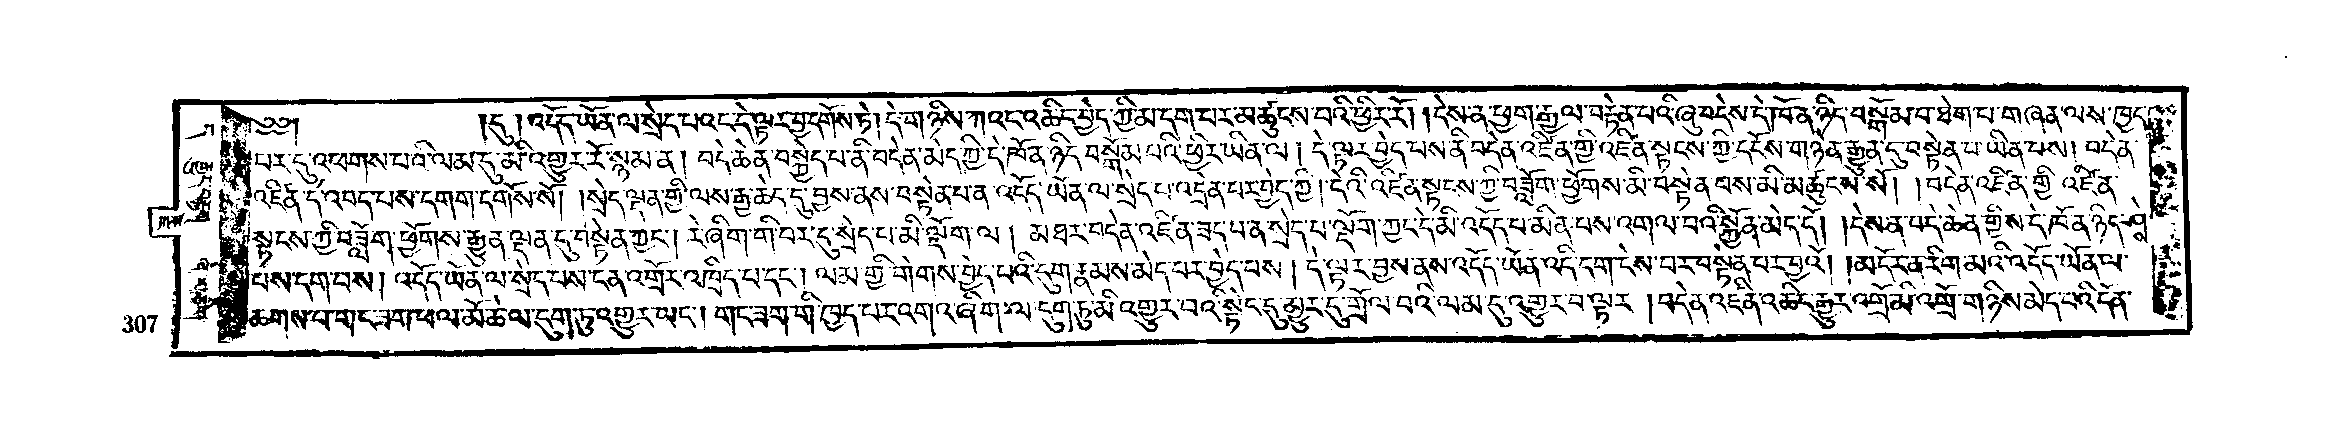༄༅། །དུ། འདོད་ཡོན་ལ་སྲེད་པའང་དེ་ལྟར་བྱ་དགོས་ཏེ། དེ་གཉིས་ཀའང་འཆིང་བྱེད་ཀྱི་མ་དག་པར་མཚུངས་པའི་ཕྱིར་རོ། །དེས་ན་ཕྱག་རྒྱལ་བརྟེན་པའི་ཞུ་བདེས་དེ་ཁོ་ན་ཉིད་བསྒོམ་པ་ཐེག་པ་གཞན་ལས་ཁྱད་
པར་དུ་འཕགས་པའི་ལམ་དུ་མི་འགྱུར་རོ་སྙམ་ན། བདེ་ཆེན་བསྐྱེད་པ་ནི་བདེན་མེད་ཀྱི་དེ་ཁོ་ན་ཉིད་བསྒོམ་པའི་ཕྱིར་ཡིན་ལ། དེ་ལྟར་བྱེད་པས་ནི་བདེན་འཛིན་གྱི་འཛིན་སྟངས་ཀྱི་དངོས་གཉེན་རྒྱུན་དུ་བསྟེན་པ་ཡིན་པས། བདེན་
འཛིན་དེ་འབད་པས་དགག་དགོས་སོ། །སྲེད་ལྡན་གྱི་ལས་རྒྱ་ཆེད་དུ་བྱས་ནས་བསྟེན་པ་ན་འདོད་ཡོན་ལ་སྲེད་པ་འདྲེན་པར་བྱེད་ཀྱི། དེའི་འཛིན་སྟངས་ཀྱི་བཟློག་ཕྱོགས་མི་བསྟེན་པས་མི་མཚུངས་སོ། །བདེན་འཛིན་གྱི་འཛིན་
སྟངས་ཀྱི་བཟློག་ཕྱོགས་རྒྱུན་ལྡན་དུ་བསྟེན་ཀྱང་། རེ་ཞིག་གི་བར་དུ་སྲེད་པ་མི་ལྡོག་ལ། མཐར་བདེན་འཛིན་ཟད་པ་ན་སྲེད་པ་ལྡོག་ཀྱང་མི་འདོད་པ་མིན་པས་འགལ་བའི་སྐྱོན་མེད་དོ། །དེས་ན་བདེ་ཆེན་གྱིས་དེ་ཁོ་ན་ཉིད་ཤེས་
པས་དག་པས། འདོད་ཡོན་ལ་སྲེད་པས་ངན་འགྲོར་འཁྲིད་པ་དང་། ལམ་གྱི་གེགས་བྱེད་པའི་དུག་རྣམས་མེད་པར་བྱེད་པས། དེ་ལྟར་བྱས་ནས་འདོད་ཡོན་འདི་དག་ངེས་པར་བསྟེན་པར་བྱའོ། །མདོར་ན་རིག་མའི་འདོད་ཡོན་ལ་
ཆགས་པ་གང་ཟག་ཕལ་མོ་ཆེ་ལ་དུག་ཏུ་འགྱུར་ཡང་། གང་ཟག་གི་ཁྱད་པར་འགའ་ཞིག་ལ་དུག་ཏུ་མི་འགྱུར་བའི་སྟེང་དུ་མྱུར་དུ་གྲོལ་བའི་ལམ་དུ་འགྱུར་བ་ལྟར། བདེན་འཛིན་འཆིང་རྒྱུར་འགྲོ་མི་འགྲོ་གཉིས་མེད་པའི་དོན་